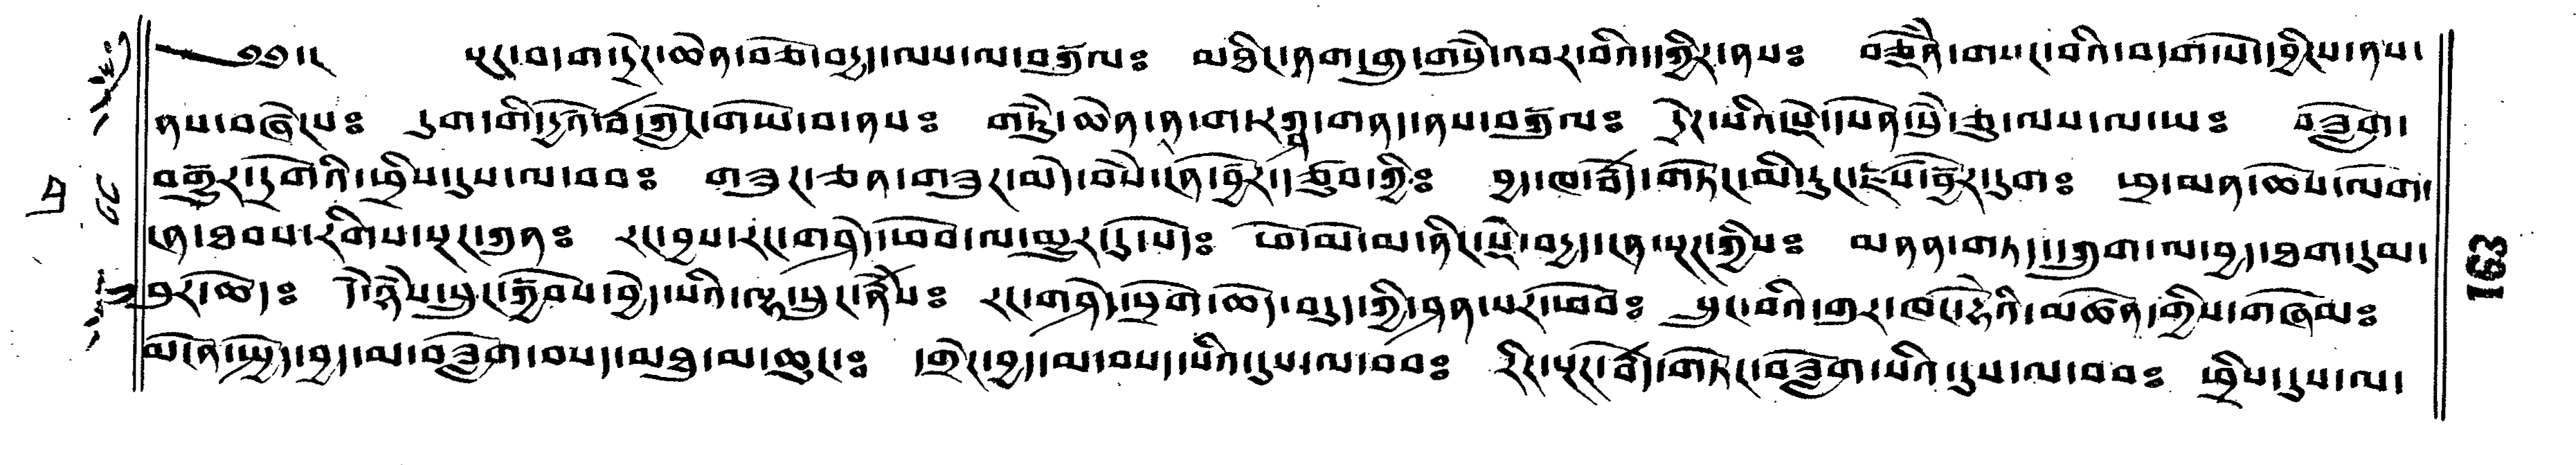སྔགས་བདག་དྲེགས་ཆེན་བཅོ་བརྒྱད་ལས་ལ་སྐུལ༔ མཐིང་ནག་གྲུ་གསུམ་འབར་བའི་དཀྱིལ་འཁོར་ནས༔ བཅོམ་ལྡན་གསང་བའི་བདག་པོ་དབྱིངས་ན
ནས་བཞེངས༔ དུག་གི་རྒྱ་མཚོ་རྦ་ཀློང་གཡོ་བ་ནས༔ གཏུམ་ཆེན་ནཱ་ག་རཀྴ་གནད་ནས་བསྐུལ༔ དྲེགས་པའི་སྡེ་དཔོན་སུམ་ཅུ་ལས་ལ་ཡ༔ ཟློག་
སྒྱུར་དྲག་པོའི་ཕྲིན་ལས་དུས་ལ་བབ༔ གཟུགས་ཅན་གཟུགས་མེད་བསམ་ངན་སྦྱོར་རྩུབ་ཀྱི༔ བྱད་ཁ་རྦོད་གཏོང་མི་རུང་རྫས་སྦྱོར་དུག༔ ཕྲ་མན་ཆོས་ལོག་
ངན་ཐབས་རིགས་སྔགས་ཀུན༔ རང་བྱས་རང་གཤེད་ཕོབ་ལ་མྱུར་དུ་སོད༔ ཕོ་མོ་མ་ནིང་སྡེ་བརྒྱད་ངན་སྔགས་ཀྱིས༔ མནན་གཏད་དཀྲུགས་ལ་བྱད་ཐག་དུམ་
བུར་ཆོད༔ དམ་ཉམས་སྲུང་སྐྱོབ་བྱེད་པའི་ལྷ་སྲུང་རྣམས༔ རག་གཤེད་སྲོག་ཆོད་བདུད་ཀྱི་ཤན་པར་ཕོབ༔ སྲུང་བའི་གུར་ཁང་རྡོ་རྗེའི་མཚོན་གྱིས་གཞོམ༔ 
མངོན་སྤྱོད་བྱད་མ་ཟློག་སོད་མཐུ་མ་ཆུང༔ དགྲ་བགེགས་བྱད་མ་གསོད་པའི་དུས་ལ་བབ༔ རིགས་སྔགས་རྦོད་གཏོང་ཟློག་པའི་དུས་ལ་བབ༔ ཕྲིན་ལས་དུས་ལ་